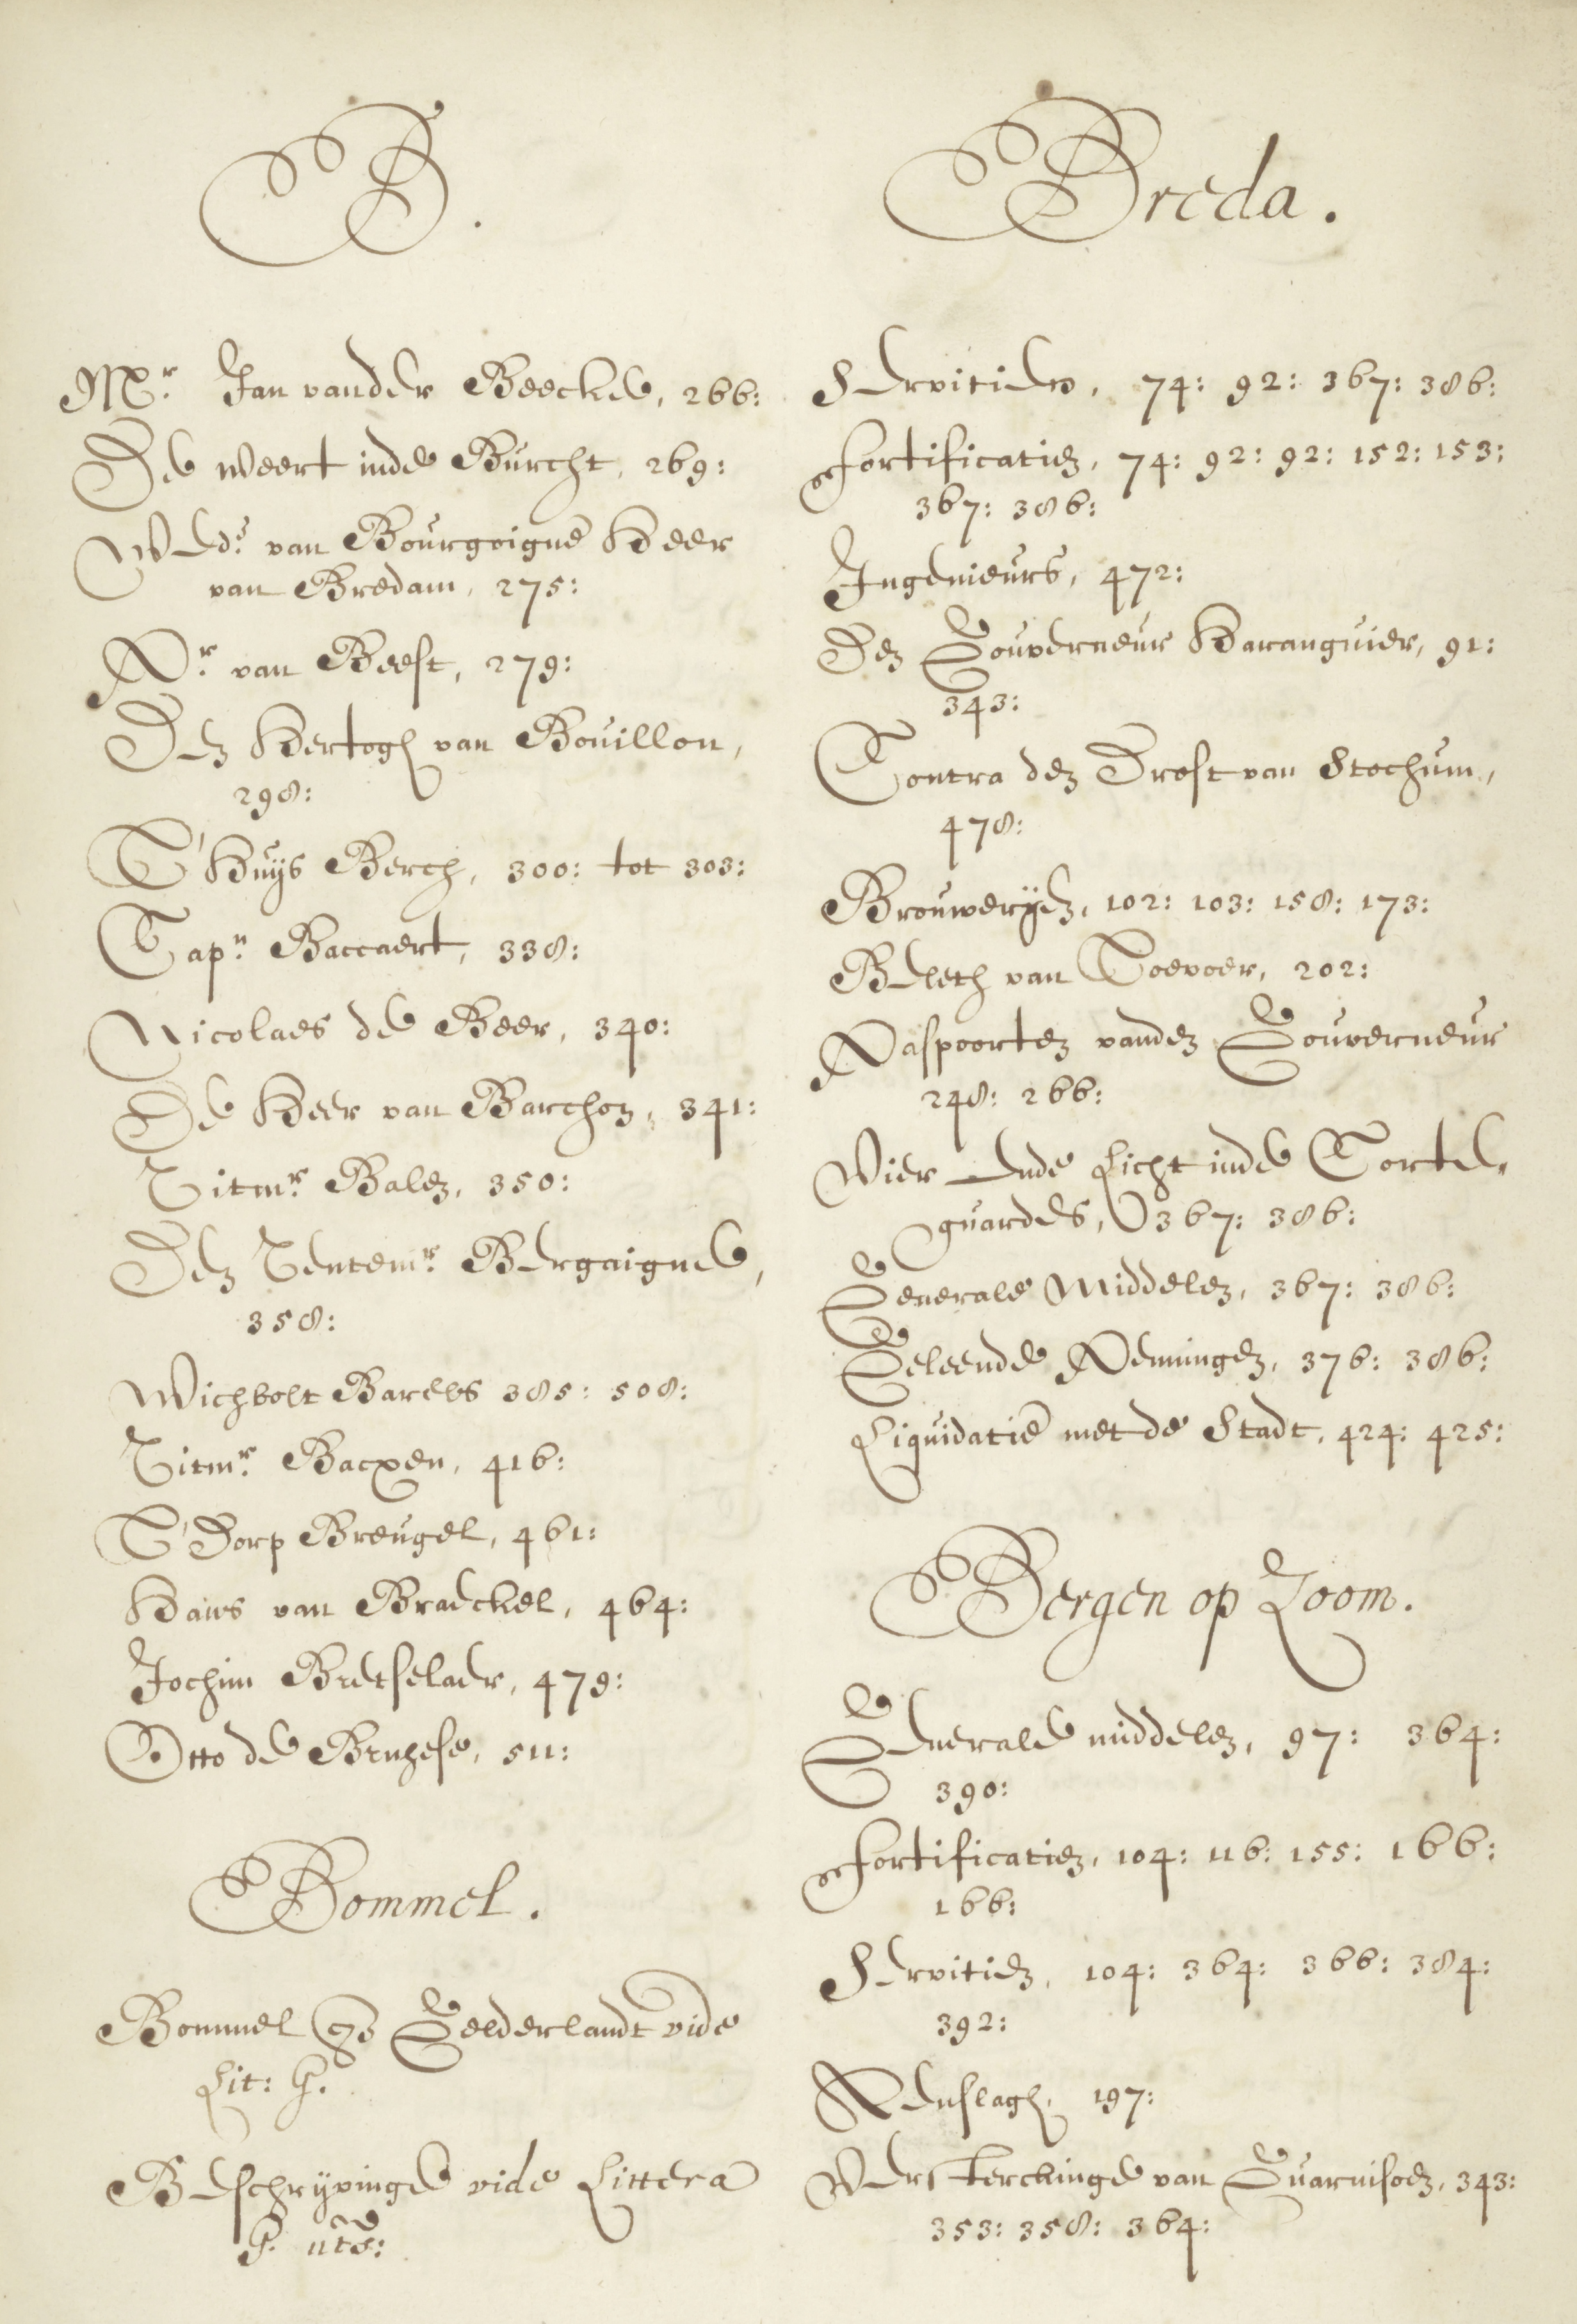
B.
Mr. Jan vander Beecke, 266:
De weert inde Burcht, 269:
Wede. van Bourgoigne Heer
van Bredam, 275:
Pr. van Beest, 279:
Den Hertogh van Bouillon,
298:
T‛Huijs Berch, 300: tot 303:
Capn. Baccaert, 338:
Nicolaes de Beer, 340:
De Heer van Barchon, 341:
Ritmr. Balen, 350:
Den Rentemr. Bergaigne,
358:
Wichbolt Barels 385: 508:
Ritmr. Bacxen, 416:
T‛Dorp Breugel, 461:
Hans van Braeckel, 464:
Jochim Bretselaer, 479:
Otto de Bruhese, 511:
Bommel.
Bommel ca. Gelderlandt vide
Lit: G.
Beschrijvinge vide Littera
P. uts:
Breda.
Servitien, 74: 92: 367: 386:
Fortificatien, 74: 92: 92: 152: 153:
367: 386:
Ingenieurs, 472:
Den Gouverneur Haranguier, 91:
343:
Contra den Drost van Stochum,
478:
Brouwerijen, 102: 103: 158: 173:
Beleth van Toevoer, 202:
Paspoorten vanden Gouverneur
248: 266:
Vier Ende licht inde Corte„
guardes, 367: 386:
Generale Middelen, 367: 386:
Geleende Penningen, 376: 386:
Liquidatie met de Stadt, 424: 425:
Bergen op Zoom.
Generale middelen, 97: 364:
390:
Fortificatien, 104; 116: 155: 166:
166:
Servitien, 104: 364: 366: 384:
392:
Aenslagh, 197:
Versterckinge van Guarnisoen, 343:
353: 358: 364:
